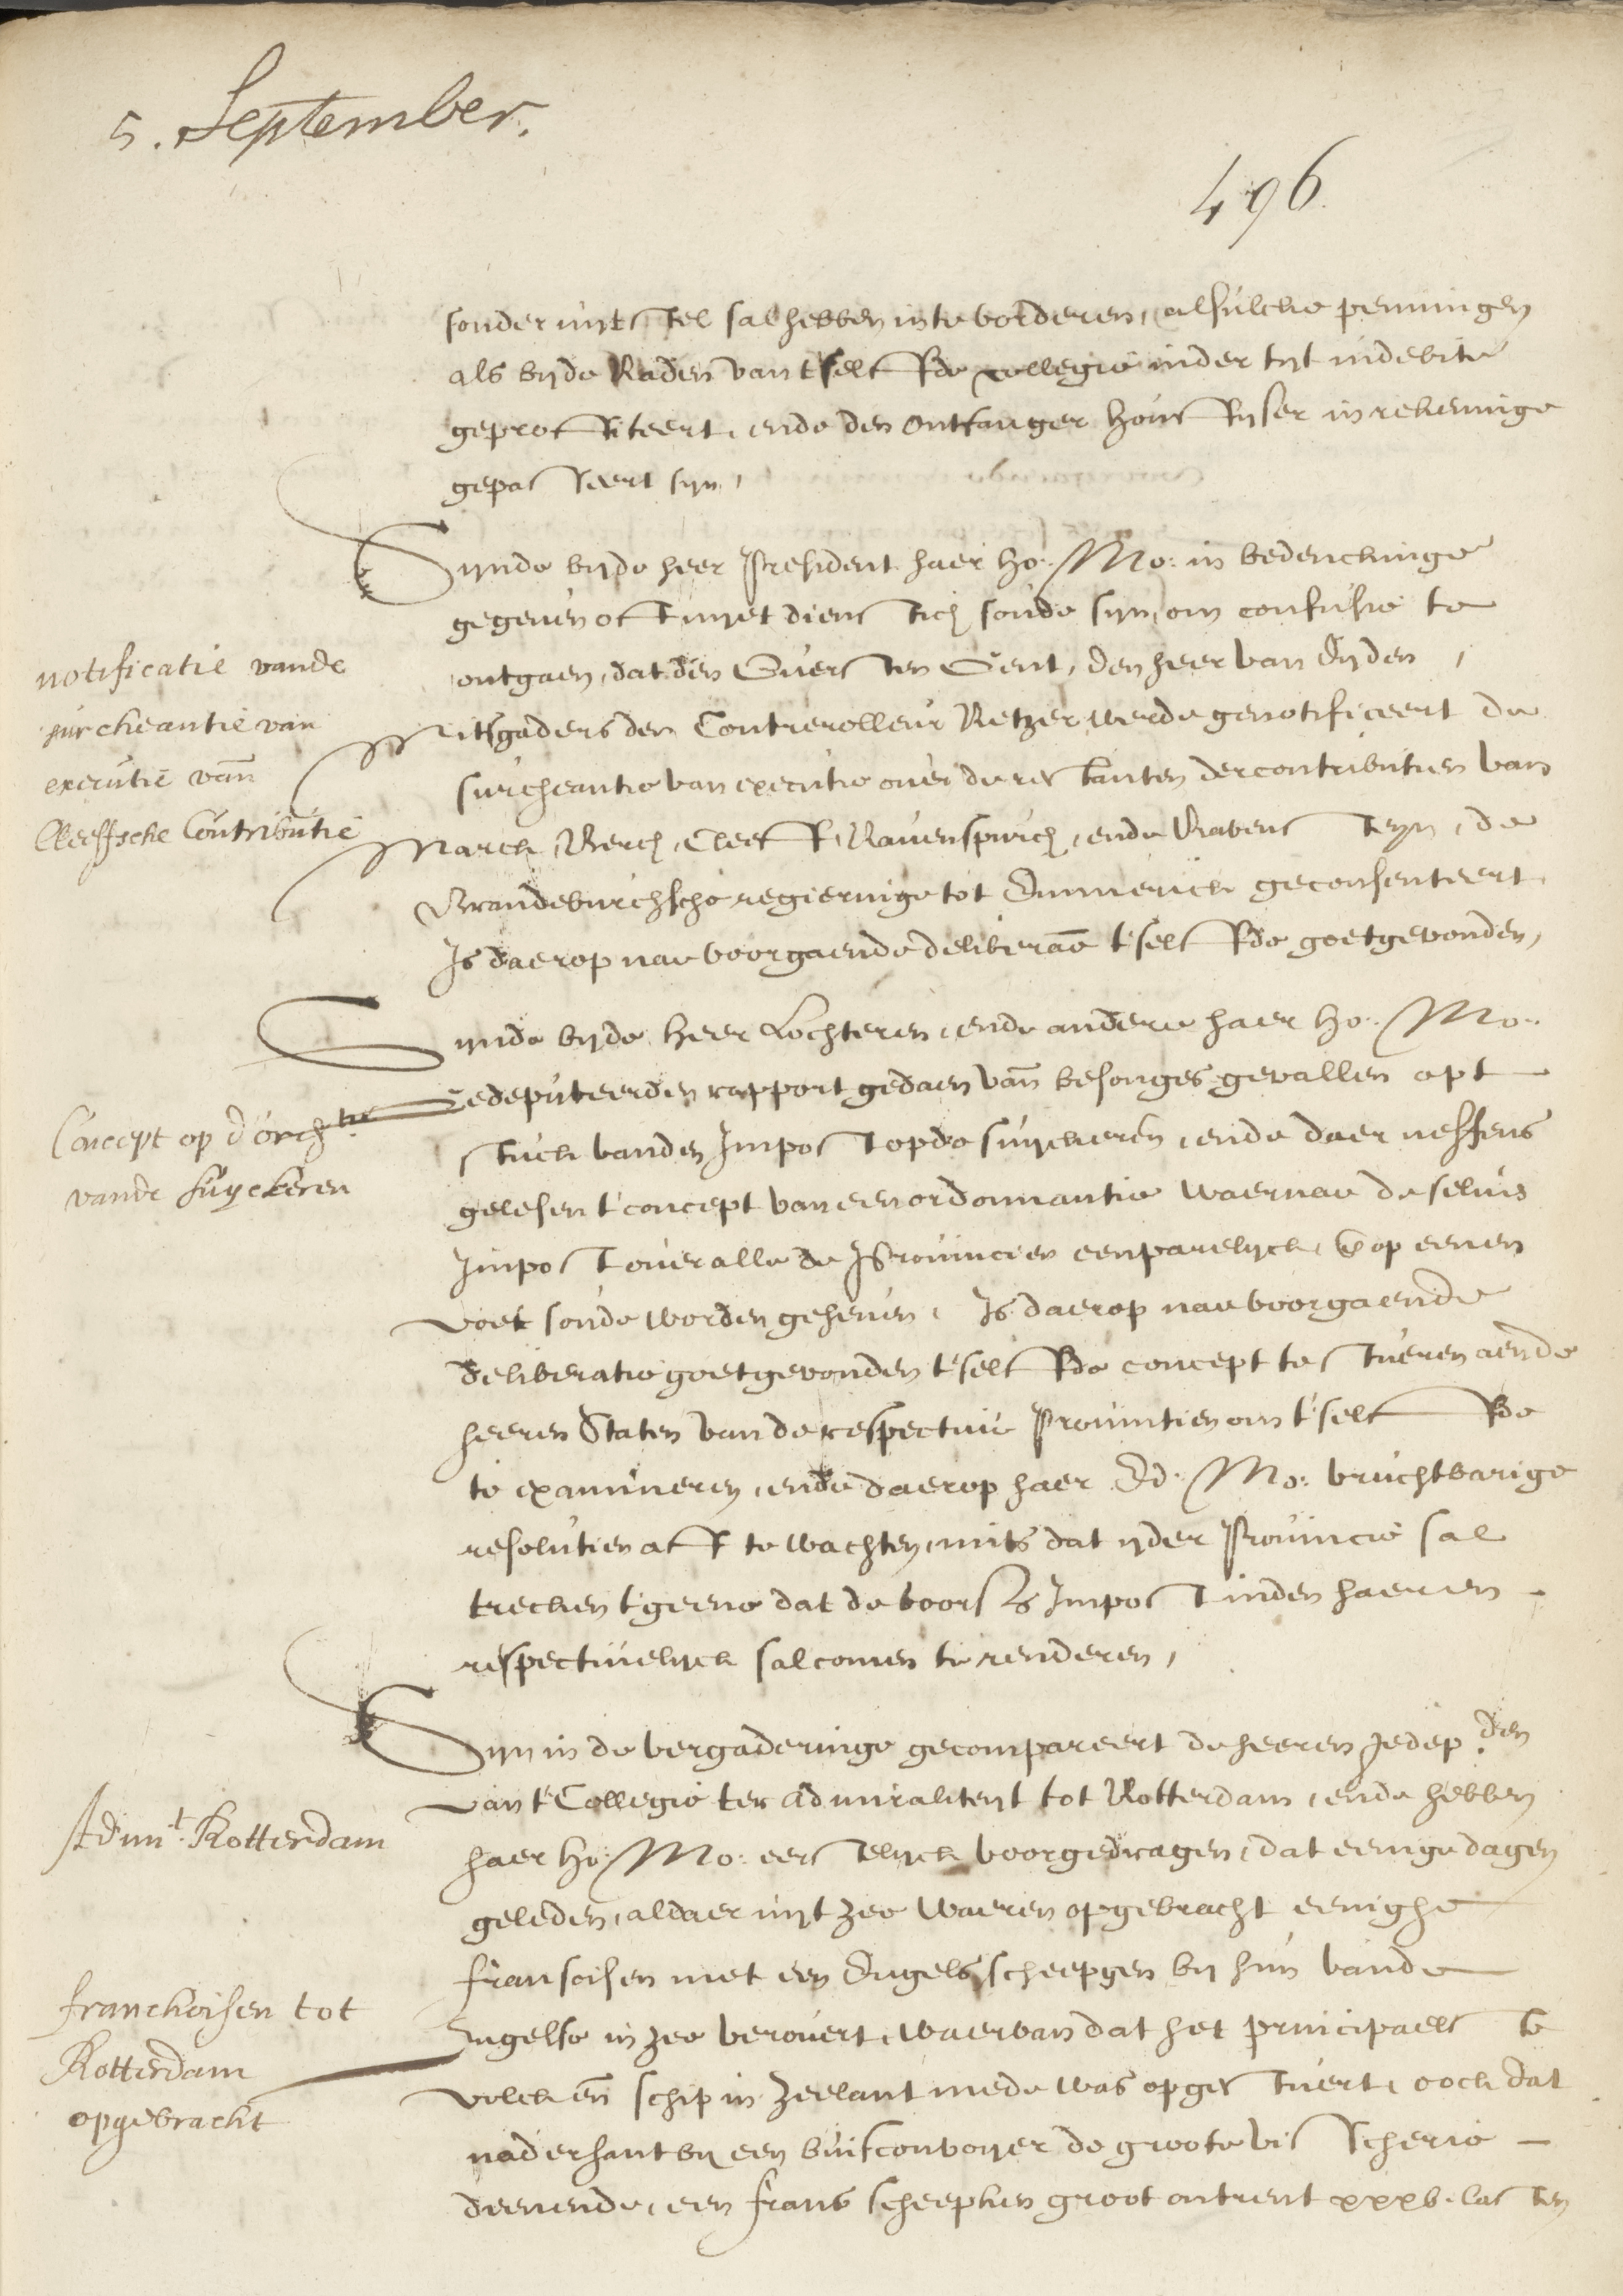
496.
5. September.
sonder uytstel sal hebben in te vorderen, alsulcke penningen
als byde Raden van t‛selffde collegie inder tyt indebite
geproffiteert, ende den ontfanger houffyser in rekeninge
gepasseert syn.
notificatie vande
surcheantie van
executie van
Cleeffsche Contributie
Synde byde heer President haer ho:Mo: in bedenckinge
gegeuen off nyet dienstich soude syn, om confusie te
ontgaen, dat den Ouersten Gent, den heer van Dijden,
Mitsgaders den Contrerolleur Retzer werde genotificeert de
surcheantie van executie ouer de restanten der contributien van
Marck Berch, Cleeff, Rauenspurch ende Ravensteyn, de
Brandeburchsche regieringe tot Emmerick geconsenteert,
Is daerop nae voorgaende deliberae t'selffde goetgevonden.
Concept op d'ordtie.
vande suyckeren
Synde byde heer Lochteren, ende andere haer Ho:Mo:
Gedeputeerden rapport gedaen van besonges gevallen opt
stuck vanden Impost opde suyckeren, ende daer neffens
gelesen t' concept van een ordonnantie waernae deselven
Impost ouer alle de Prouincien eenparelyck & op eenen
voet soude worden geheuen. Is daerop nae voorgaende
deliberatie goetgevonden t'selffde concept te stueren aen de
heeren Staten van de respectiue Prouintien om t'selffde
te examineren, ende daerop haer Ed:Mo: vruchtbarige
resolutien aff te wachten, mits dat yder Prouincie sal
trecken t‛geene dat de voors Impost inden haeren
respectivelyck sal comen te renderen.
Admit. Rotterdam
franchoisen tot
Rotterdam
opgebracht
Syn in de vergaderinge gecompareert de heeren gedepden.
van t'Collegie ter Admiraliteyt tot Rotterdam, ende hebben
haer Ho:Mo: eerstelyck voorgedragen, dat eenige dagen
geleden, aldaer uyt zee waeren opgebracht eenighe
fransoisen met een Engels scheepgen by hun vande
Engelse in zee verouert, waervan dat het principaelste
volck en schip in Zeelant mede was opgestuert, oock dat
naderhant by een buisconvoyer de groote visscherie
deenende, een frans scheepken groot ontrent xxxv. lasten
